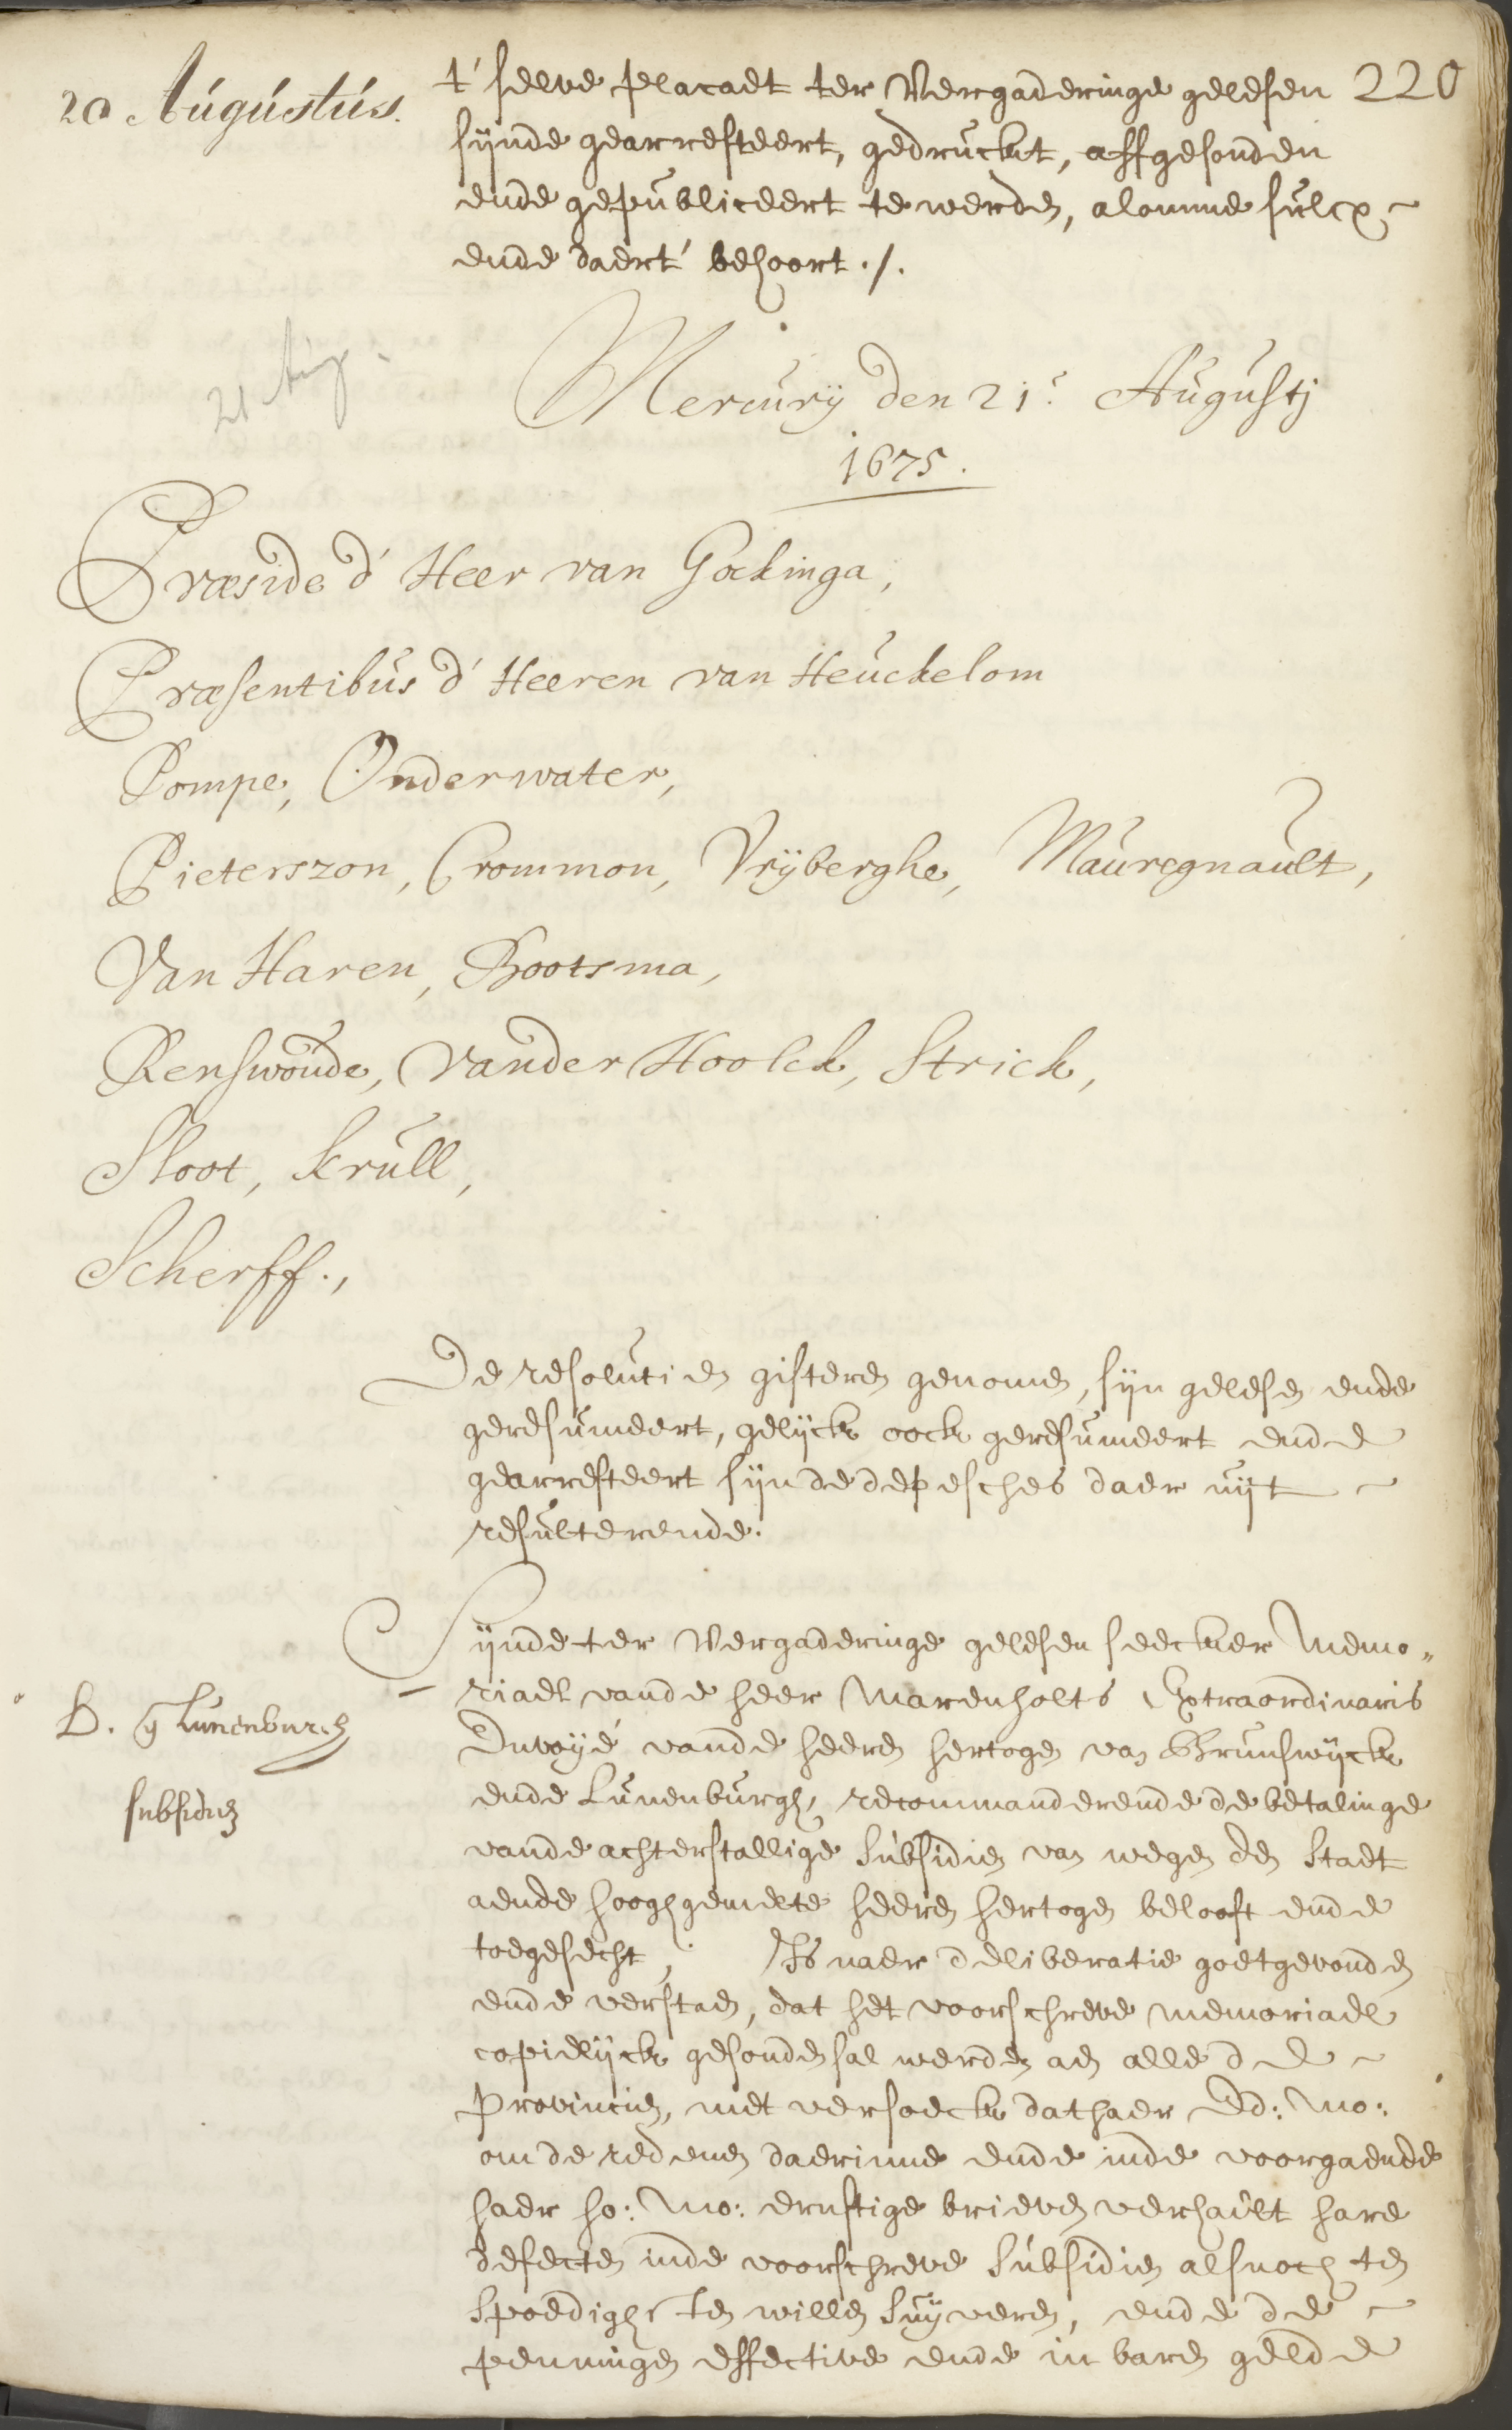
220
20. Augustus.
t'selve placaet ter vergaderinge gelesen
sijnde gearresteert, gedruckt, affgesonden
ende gepubliceert te werden, alomme sulcx
ende daert' behoort.
21 Aug.
Mercurij den 21e Augusti
1675.
Præside d'Heer van Gockinga
Præsentibus d'Heeren van Heuckelom
Pompe, Onderwater,
Pieterszon, Crommon, Vrijberghe, Mauregnault,
Van Haren, Bootsma
Renswoude, Vander Hoolck, Strick,
Sloot, Krull,
Scherff.
De resolutien gisteren genomen, sijn gelesen ende
geresumeert, gelijck oock geresumeert ende
gearresteert sijn de depesches daer uijt
resulterende.
B. & Lunenburch
subsidien
Sijnde ter vergaderinge gelesen seecker memo„
riael vande heer Marenholts Extraordinaris
Envoijé vande heeren hertoge van Brunswijck
ende Lunenburgh, recommanderende de betalinge
vande achterstallige subsidien van wegen den stadt
aende hooghgemelte heeren hertogen belooft ende
toegesecht. Is naer deliberatie goetgevonden
ende verstaen, dat het voorschreve memoriael
copielijck gesonde sal werden aen alle de
provincien, met versoeck dat haer Ed:Mo:
om de redenen daerinne ende inde voorgaende
haer Ho:Mo: ernstige brieven verhaelt hare
defecten inde voorschreve subsidien alsnoch ten
spoedighsten willen suijveren, ende de
penningen effective ende in baren gelde
